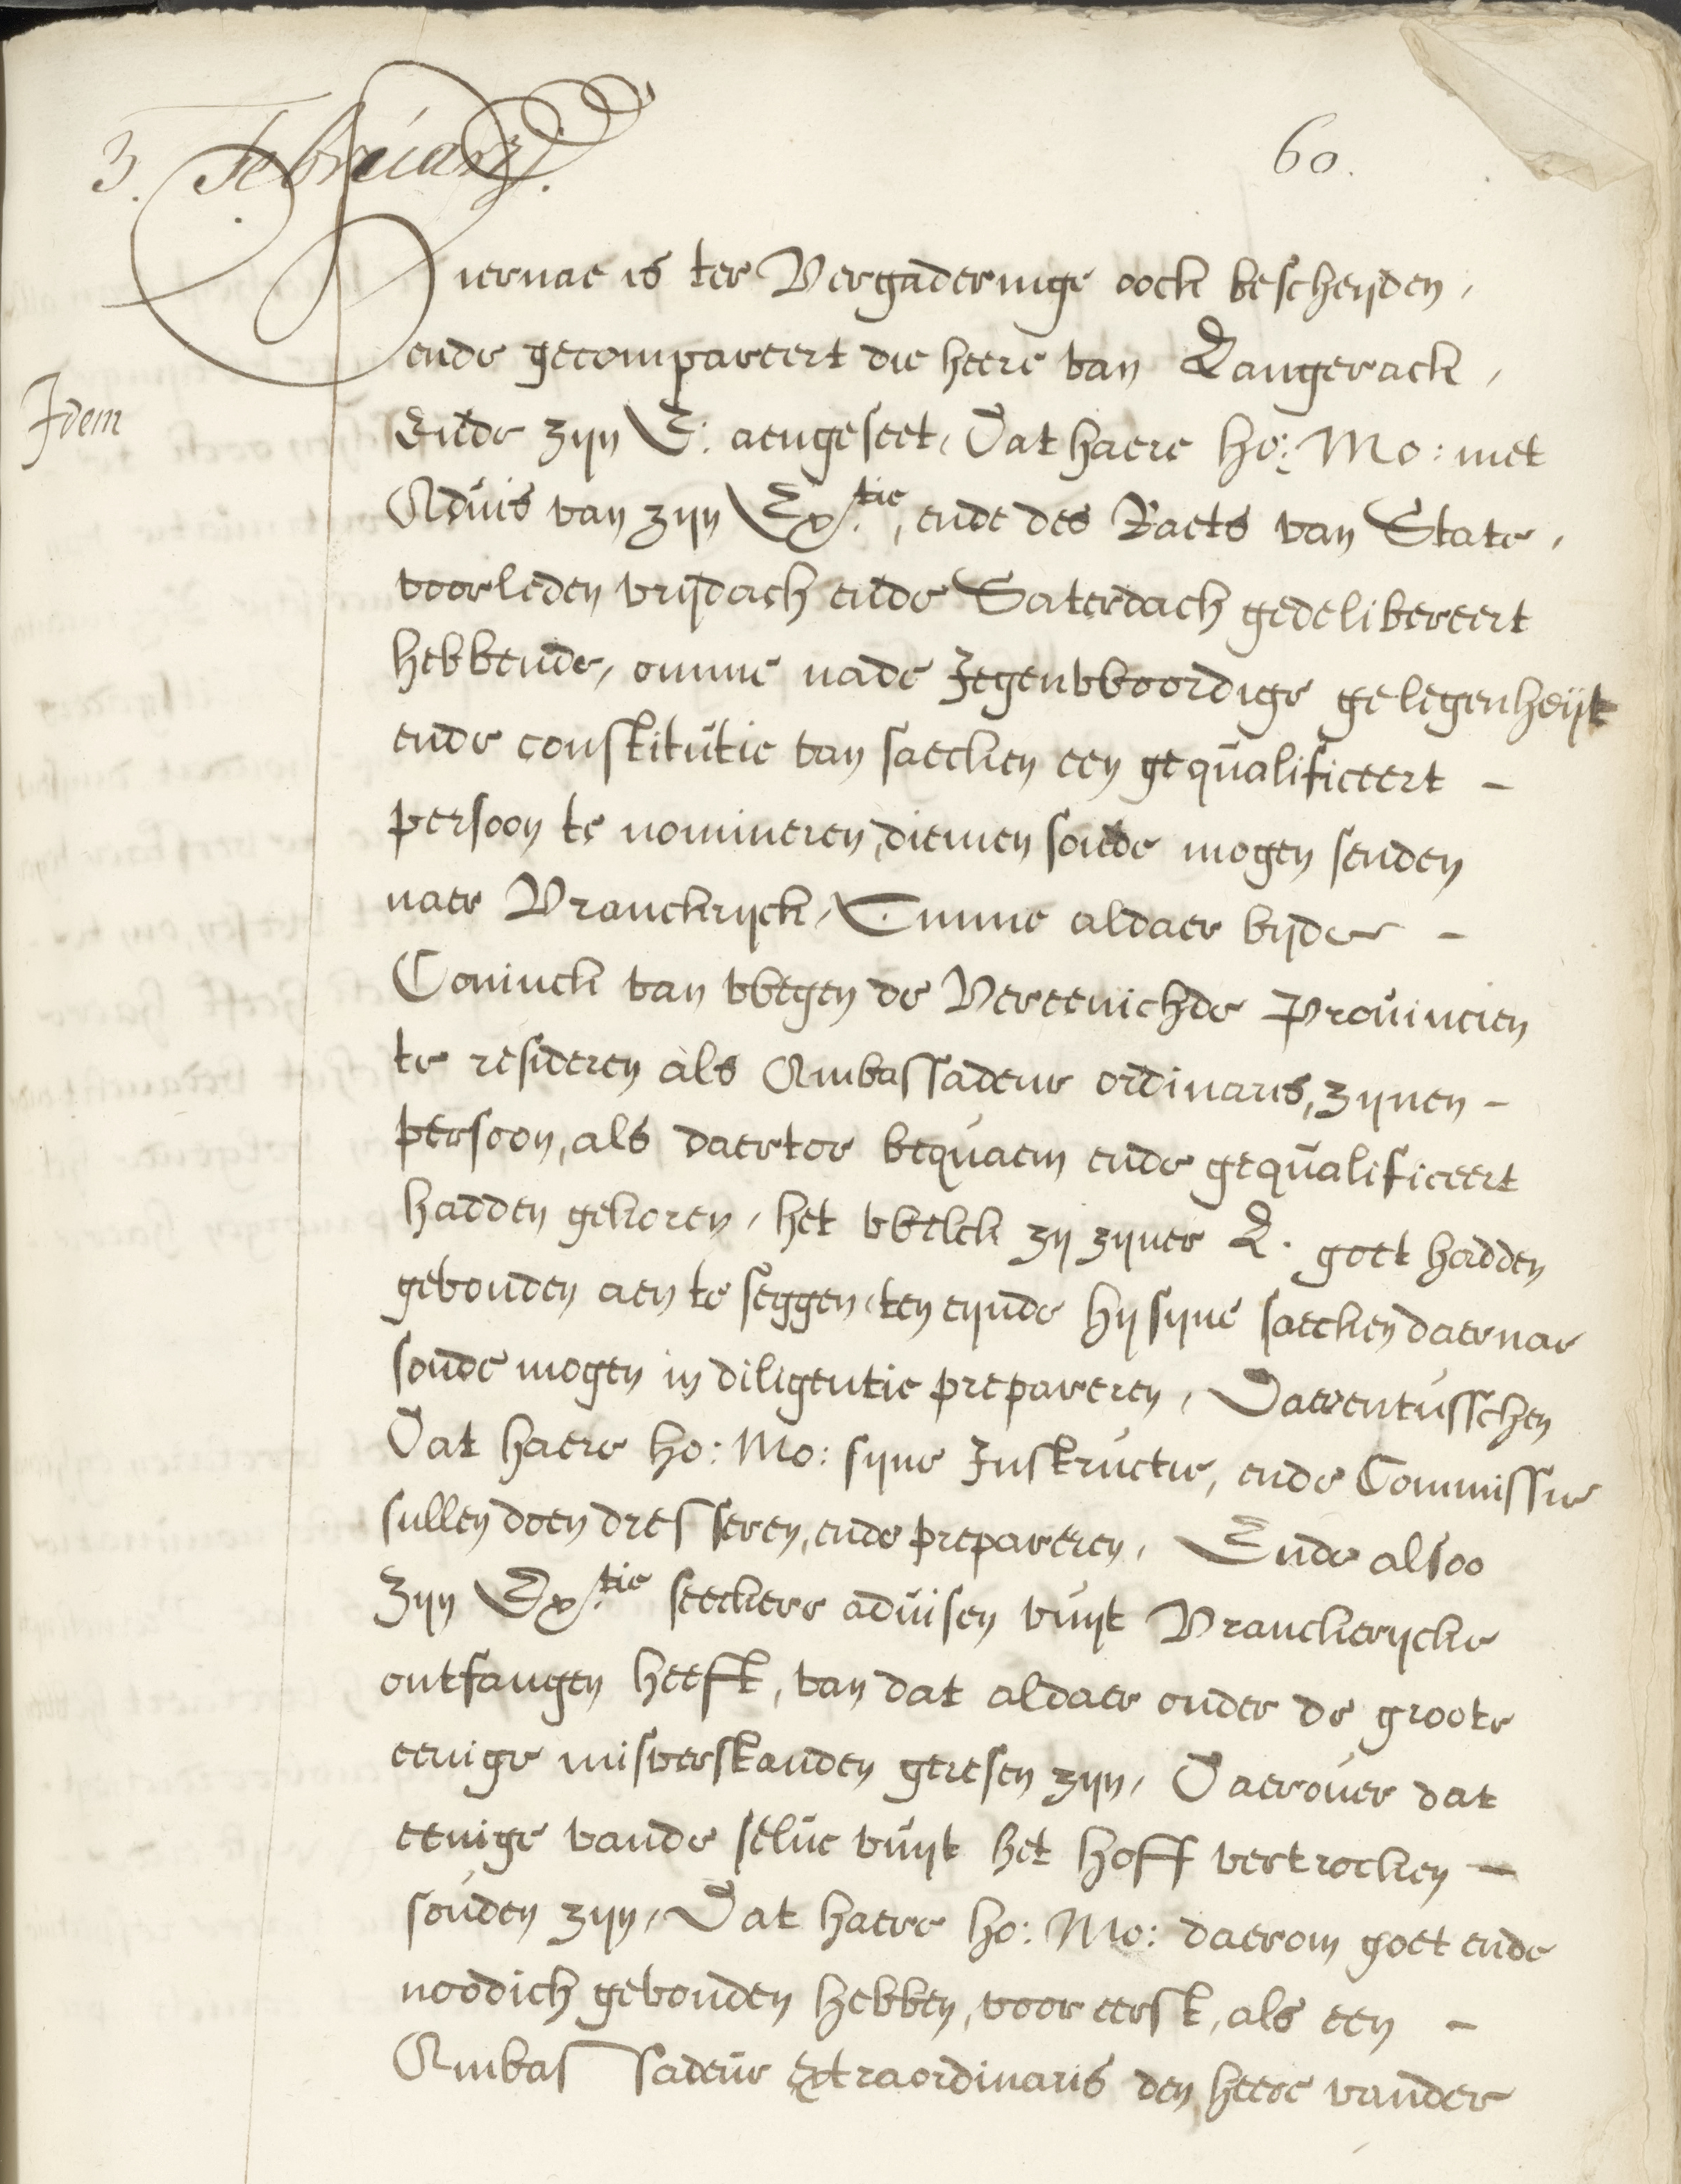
60.
3. February.
Idem
Hiernae is ter Vergaderinge oock bescheyden,
ende gecompareert die heere van Langerack.
Ende zyn E. aengeseet, dat haere Ho:Mo: met
Aduis van zijn Extie., ende des Raets van State,
voorleden vrydach ende Saterdach gedelibereert
hebbende, omme nade Jegenwoordige gelegenheijt
ende constitutie van saecken een gequalificeert
persoon te nomineren, diemen soude mogen senden
naer Vranckryck, Omme aldaer byden
Coninck van wegen de Vereenichde Prouincien
te resideren als Ambassadeur ordinaris, zynen -
persoon, als daertoe bequaem ende gequalificeert
hadden gehoren, het welck zy zyner E. goet hadden
gevonden aen te seggen, ten eynde hy syne saecken daernae
soude mogen in diligentie prepareren. Daerentusschen
Dat haere Ho:Mo: syne Instructie, ende Commissie
sullen doen dresseren, ende prepareren. Ende alsoo
zyn Extie. seeckere aduisen vuyt Vranckerycke
ontfangen heeft, van dat aldaer onder de groote
eenige misverstanden geresen zyn, Daerouer dat
eenige vande selue vuyt het hoff vertrocken -
souden zyn, Dat haere Ho:Mo: daerom goet ende
noodich gevonden hebben, voor eerst, als een
Ambassadeur ertraordinaris den heere vander
